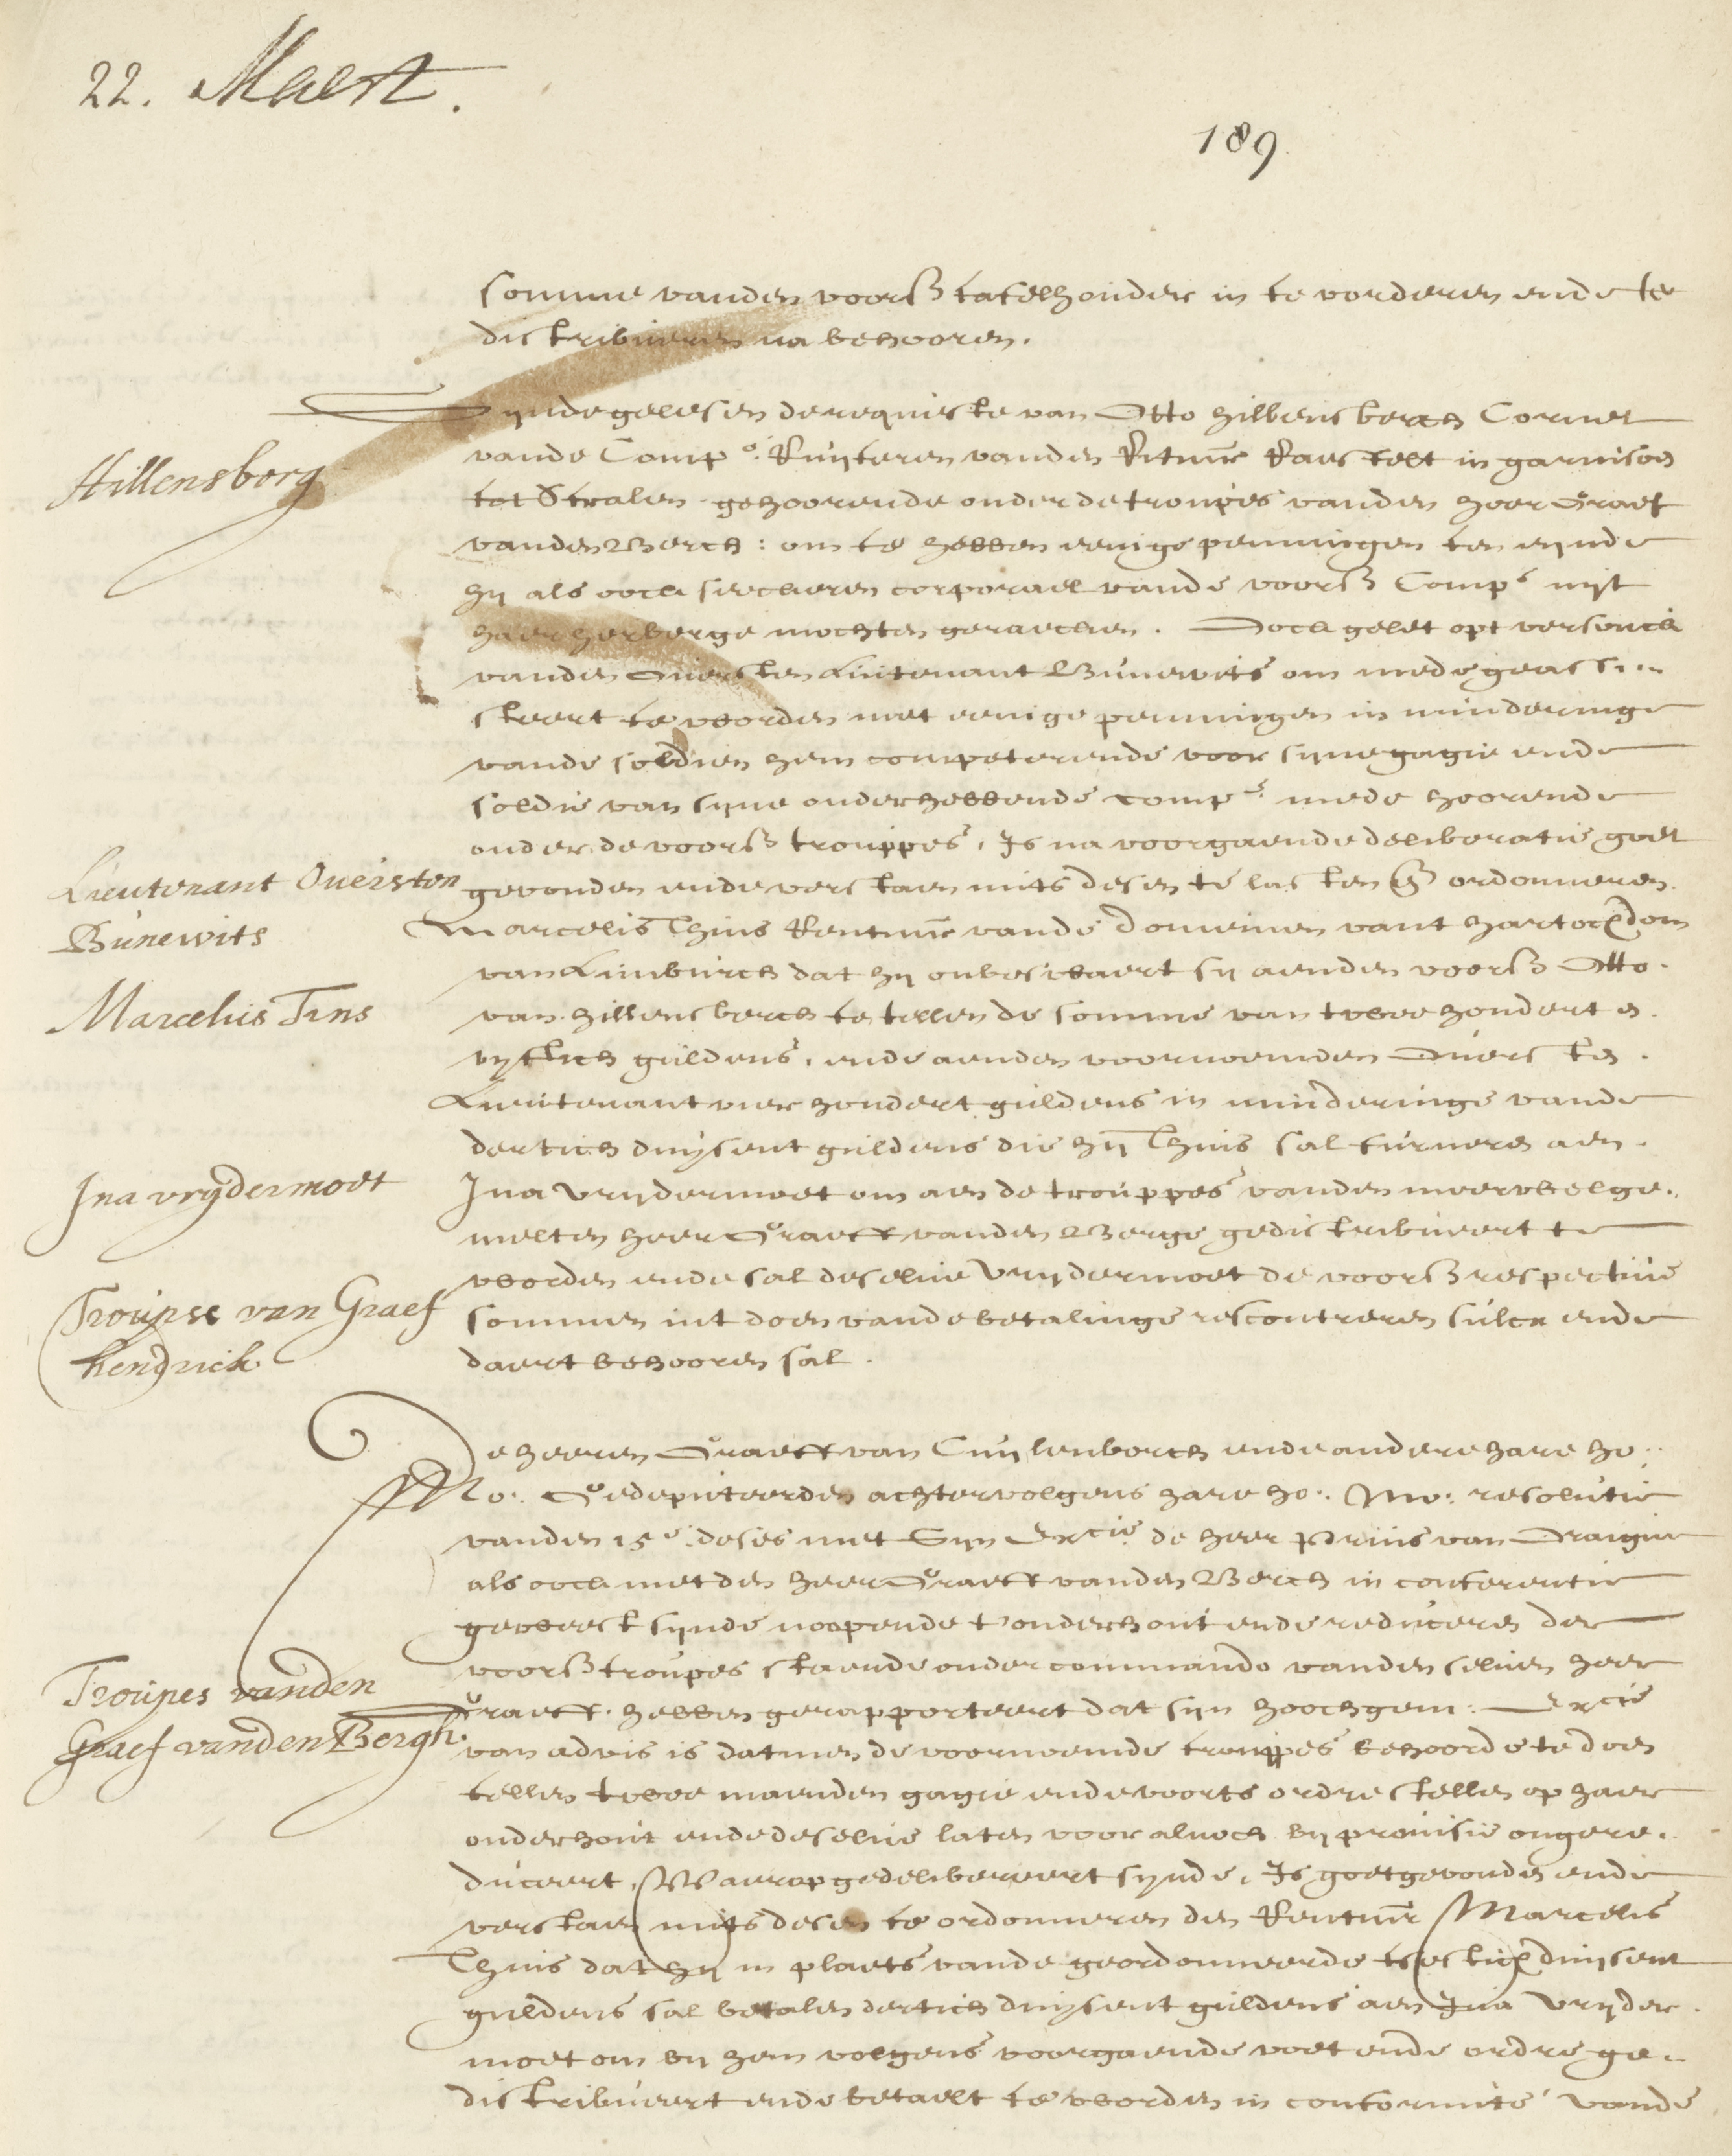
189.
22. Maert.
somme vanden voors tafelhouder in te vorderen ende te
distribueren na behooren.
Hillensberg
Lieutenant Ouersten,
Bunewits
Marcelus Tins
Ina vrydermoet
Troupss van Graef
hendrick
Synde gelesen de requeste van Otto hillensberch Cornet
vande Compe. Ruyteren vanden Ritmr Raesfelt in garnisoen
tot Stralen gehoorende onder de troupes vanden heer Graef
vanden Berch: om te hebben eenige penningen ten eynde
hy als oock seeckeren corporael vande voors Compe uyt
haer herberge mochten geraecken. Oock gelet opt versouck
vanden ouersten Luitenant Bunewits om mede geassi,,
steert te worden met eenige penningen in minderinge
vande soldien hem competerende voor syne gagie ende
soldie van syne onderhebbende compe mede hoorende
onder de voors trouppes. Is na voorgaende deliberatie goet
gevonden ende verstaen mits desen te lasten & ordonneren
Marcelis Thins Rentmr vande domeinen vant hartochdom
van Limburch dat hy onbeswaert sy aenden voors Otto
van Hillensberch te tellen de somme van twee hondert en
vyftich guldens, ende aenden voornoemden Ouersten
Lieutenant vier hondert guldens in minderinge vande
dertich duysent guldens die hy Thins sal furneren aen
Ina vrydermoet om aen de trouppes vanden meerwelge„
melten heer Graeff vanden Berge gedistribueert te
worden ende sal deselue vrydermoet de voors respectiue
sommen int doen vande betalinge rescontreren sulcx ende
daert behooren sal.
Troupes vanden
Graef van den Bergh.
De heeren Graeff van Cuylenborch ende andere hare ho:
Mo: Gedeputeerden achtervolgens hare ho:Mo: resolutie
vanden 15e. deses met Syn Excie. de heer Prins van Oraigne
als oock met den heer Graeff vanden Berch in conferentie
geweest synde noopende t'onderhout ende reduceren der
voors troupes staende onder commando vanden seluen heer
Graeff, hebben gerapporteert dat syn hoochgem: Excie
van advis is datmen de voornoemde trouppes behoorde te doen
tellen twee maenden gagie ende voorts ordre stellen op haer
onderhout ende deselue laten voor alnoch bij prouisie ongere„
duceert. Waerop gedelibereert synde, Is goetgevonden ende
verstaen mits desen te ordonneren den Rentmr Marcelis
Thins dat hy in plaets vande geordonneerde tsestich duysent
guldens sal betalen dertich duysent guldens aen Ina vryder
moet om by hem volgens voorgaende voet ende ordre ge„
distribueert ende betaelt te worden in conformité vande
